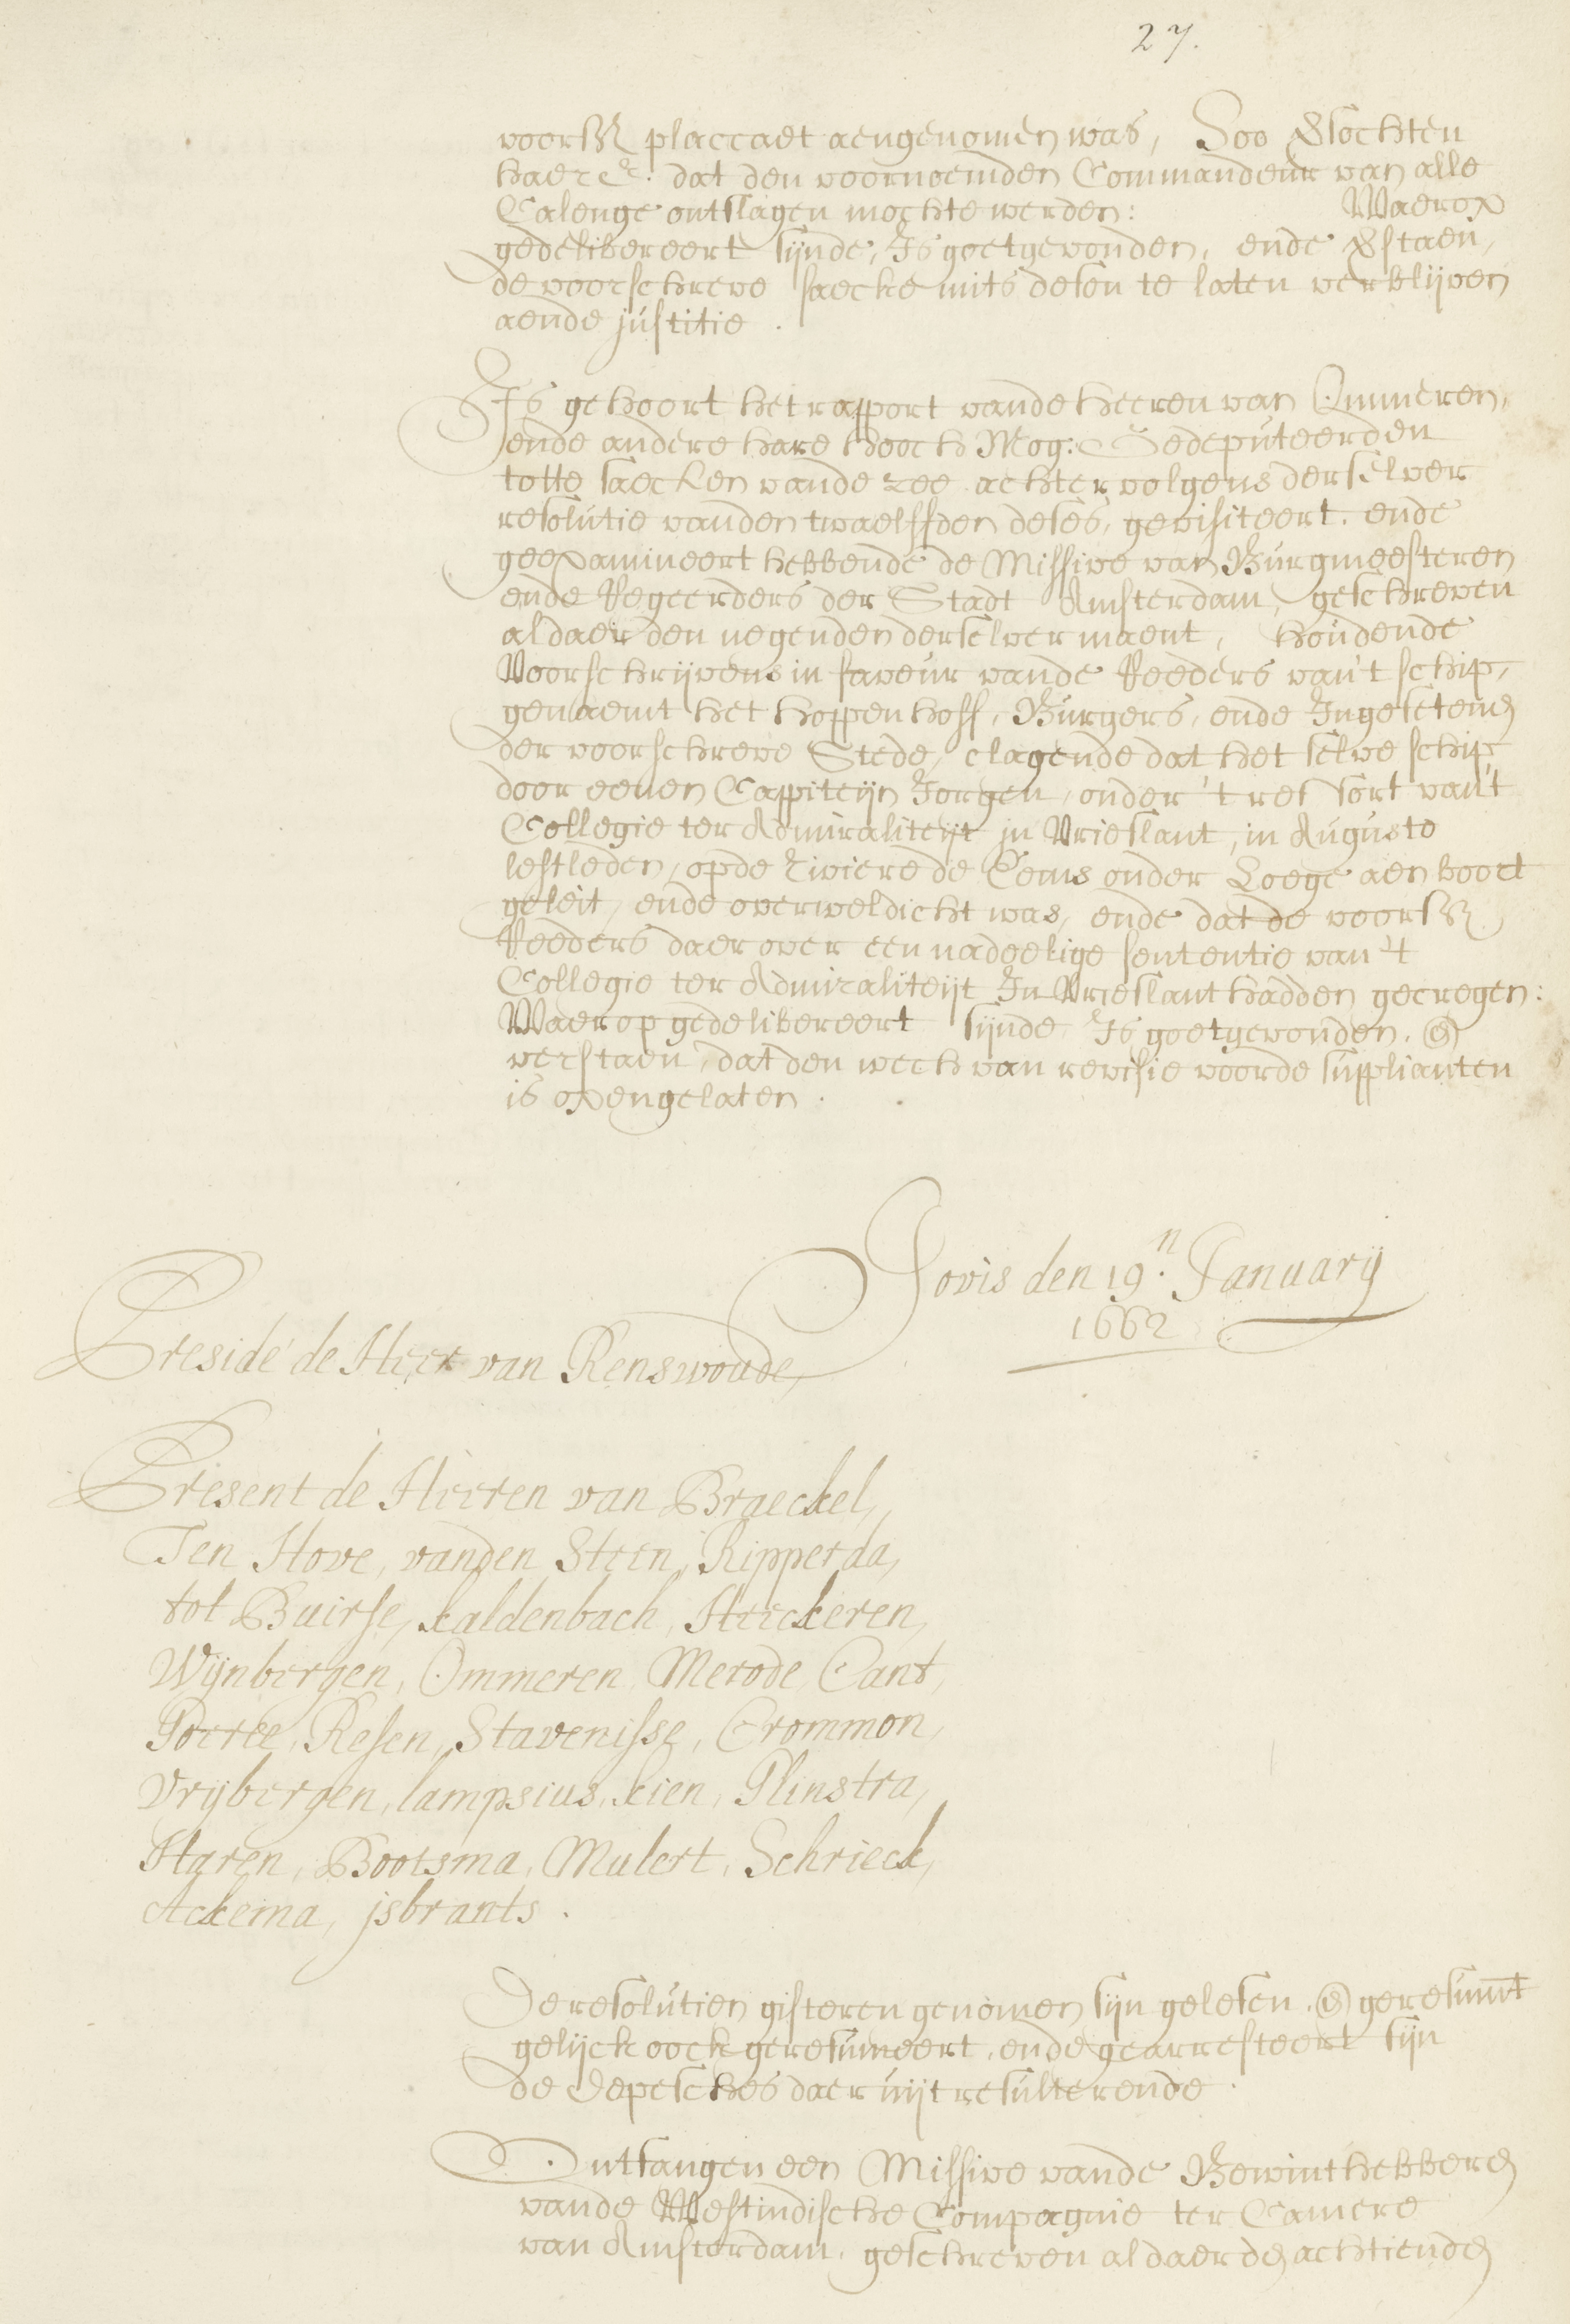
27.
voorsz placcaet aengenomen was, soo vsochten
haer E. dat den voornoemden Commandeur van alle
Calenge ontslagen mochte werden: Waerop
gedelibereert sijnde, is goetgevonden, ende vstaen,
de voorschreve saecke mits desen te laten verblijven
aende justitie
Is gehoort het rapport vande heeren van Ommeren,
ende andere hare Hooch Mog: Gedeputeerden
totte saecken vande zee achtervolgens derselver
resolutie vanden twaelffden deses, gevisiteert, ende
geexamineert hebbende de missive van Burgmeesteren
ende Regeerders der Stadt Amsterdam, geschreven
aldaer den negenden derselver maent, houdende
Voorschrijvens in faveur vande Reeders van't schip,
genaemt het hoppenhoff, Burgers, ende ingesetenen
der voorschreve Stede, clagende dat het selve schip
door eenen Cappiteijn Jorgen, onder 't ressort van't
Collegie ter Admiraliteijt in Vrieslant, in Augusto
lestleden, opde riviere de Eems onder Loege aen boort
geleit, ende overweldicht was, ende dat de voorsz
Reeders daer over een nadeelige sententie van't
Collegie ter Admiraliteijt In Vrieslant hadden gecregen:
Waerop gedelibereert sijnde, Is goetgevonden, &
verstaen, dat den wech van revisie voorde supplianten
is opengelaten.
Doris den 19n . Januarij
1662.
Preside de Heer van Renswoude,
Present de Heeren van Braeckel,
Ten Hove, vanden Steen, Ripperda,
tot Buirse, Kaldenbach, Heeckeren,
Wijnbergen, Ommeren, Merode Cant,
Goeree, Resen, Stavenisse, Crommon,
Vrijbergen, Lampsius, Kien, Glinstra,
Haren, Bootsma, Mulert, Schrieck,
Ackema, Isbrants
De resolutien gisteren genomen sijn gelesen, & geresumt
gelijck oock geresumeert, ende gearresteert sijn
de Depesches daer uijt resulterende
Ontfangen een Missive vande Bewinthebberen
vande Westindische Compagnie ter Camere
van Amsterdam, geschreven aldaer den achtienden
